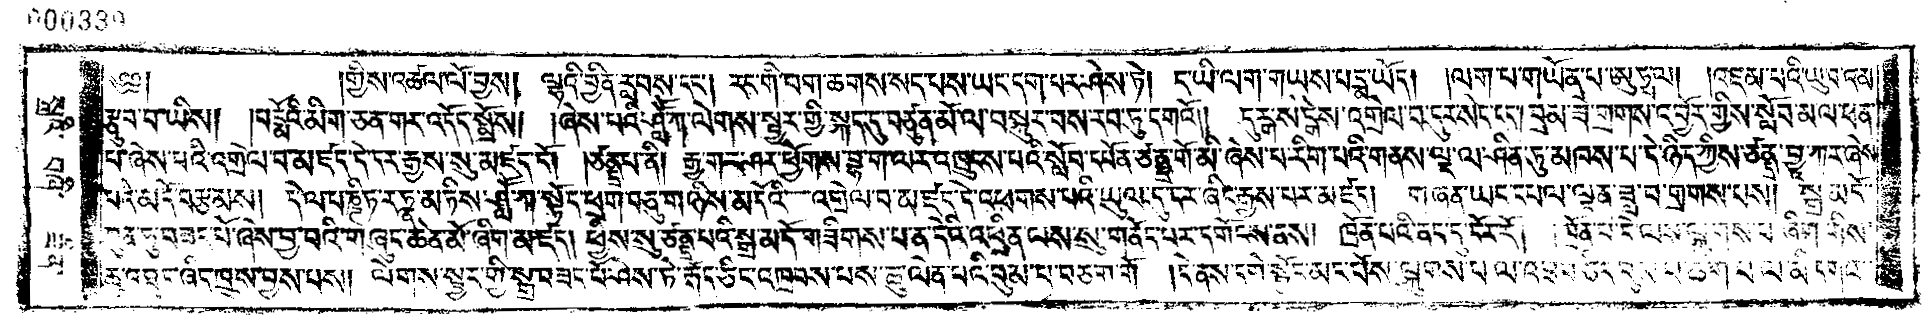༄༅། །གྱིས་འཚལ་ལོ་བྱས། ལྷའི་བྱིན་རླབས་དང་། རང་གི་བག་ཆགས་སད་པས་ཡང་དག་པར་ཤེས་ཏེ། ང་ཡི་ལག་གཡས་པདམ་ཡོད། །ལག་པ་གཡོན་པ་ཨུཏྤལ། །འཇམ་པའི་ཡུ་བའམ་
རྩུབ་པ་ཡིས། །པདམོའི་མིག་ཅན་གར་འདོད་སྨྲོས། །ཞེས་པའི་ཤླཽ་ཀ་ལེགས་སྦྱར་གྱི་སྐད་དུ་བཙུན་མོ་ལ་བསྐུར་བས་རབ་ཏུ་དགའོ།། དུརྒ་སེངྒེས་འགྲེལ་བ་དུར་སེང་དང་། བྲམ་ཟེ་གྲགས་འབྱོར་གྱིས་སློབ་མ་ལ་ཕན་
པ་ཞེས་པའི་འགྲེལ་བ་མཛད་དེ་དར་རྒྱས་སུ་མཛད་དོ། །ཙནྡྲ་པ་ནི། རྒྱ་གར་ཤར་ཕྱོགས་བྷ་ག་ལར་འཁྲུངས་པའི་སློབ་དཔོན་ཙནྡྲ་གོ་མི་ཞེས་པ་རིག་པའི་གནས་ལྔ་ལ་ཤིན་ཏུ་མཁས་པ་དེ་ཉིད་ཀྱིས་ཙནྡྲ་བྱཱ་ཀར་ཞེས་
པའི་མདོ་བརྩམས། དེ་ལ་པཎྜི་ཏ་རཏྣ་མྟིས་ཤླཽ་ཀ་སྟོང་ཕྲག་བཅུ་གཉིས་མདོའི་འགྲེལ་བ་མཛད་དེ་འཕགས་པའི་ཡུལ་དུ་དར་ཞིང་རྒྱས་པར་མཛད། གཞན་ཡང་དཔལ་ལྡན་ཟླ་བ་གྲགས་པས། སྒྲ་མདོ་
ཀུན་ཏུ་བཟང་པོ་ཞེས་བྱ་བའི་གཞུང་ཆེན་མོ་ཞིག་མཛད། ཕྱིས་སུ་ཙནྡྲ་པའི་སྒྲ་མདོ་གཟིགས་པ་ན་དེའི་འཕྲིན་ལས་སུ་གནོད་པར་དགོངས་ནས། ཁྲོན་པའི་ནང་དུ་དོར་རོ། །ཁྲོན་པ་དེ་ལས་ལྐུགས་པ་ཞིག་གིས་
ཆུ་འཐུང་ཞིང་ཁྲུས་བྱས་པས། ལེགས་སྦྱར་གྱི་སྒྲ་བཟང་པོ་ཤེས་ཏེ་རྒོད་ཅིང་འཁྲབས་པས་ཆུ་ལེན་པའི་བུམ་པ་བཅག་གོ །དེ་ནས་དགེ་སྦྱོང་མང་པོས་ལྐུགས་པ་ལ་འཐབ་ཅིང་བུམ་པ་ཆག་པ་ལ་མི་དགའ་